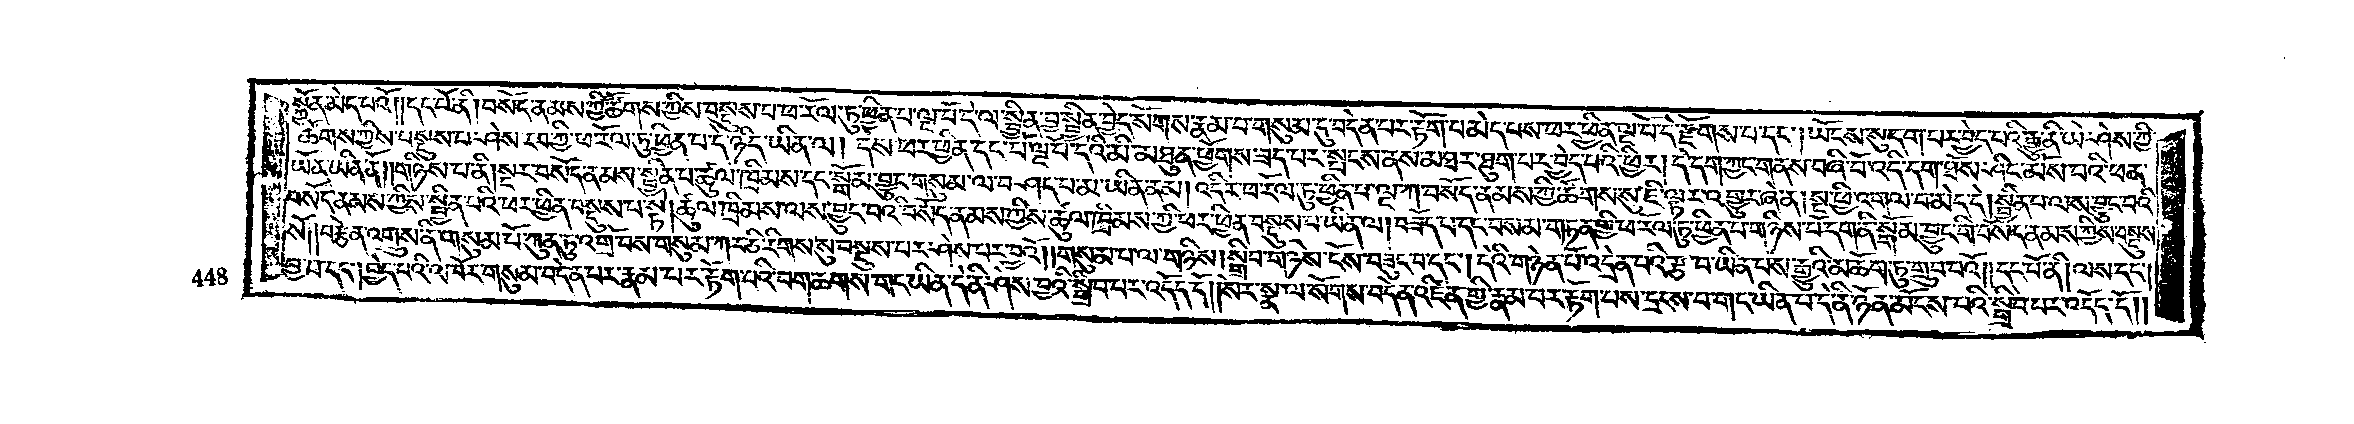སྐྱོན་མེད་པའོ། །དང་པོ་ནི། བསོད་ནམས་ཀྱི་ཚོགས་ཀྱིས་བསྡུས་པ་ཕ་རོལ་ཏུ་ཕྱིན་པ་ལྔ་པོ་དེ་ལ་སྦྱིན་བྱ་སྦྱིན་བྱེད་སོགས་རྣམ་བ་གསུམ་དུ་བདེན་པར་རྟོག་པ་མེད་པས་ཕར་ཕྱིན་ལྔ་པོ་དེ་རྫོགས་པ་དང་། ཡོངས་སུ་དག་པར་བྱེད་པའི་རྒྱུ་ནི་ཡེ་ཤེས་ཀྱི་
ཚོགས་ཀྱིས་བསྡུས་པ་ཤེས་རབ་ཀྱི་ཕ་རོལ་ཏུ་ཕྱིན་པ་དེ་ཉིད་ཡིན་ལ། དེས་ཕར་ཕྱིན་དང་པོ་ལྔ་པ་དེའི་མི་མཐུན་ཕྱོགས་ཟད་པར་སྤངས་ནས་མཐར་ཐུག་པར་བྱེད་པའི་ཕྱིར། དེ་དག་ཀྱང་གནས་བཞི་པོ་འདི་དག་ཐོས་ཤིང་མོས་པའི་ཕན་
ཡོན་ཡིན་ནོ། །གཉིས་པ་ནི། སྔར་བསོད་ནམས་སྦྱིན་པ་ཚུལ་ཁྲིམས་དང་སྒོམ་བྱུང་གསུམ་ལ་བཤད་པ་མ་ཡིན་ནམ། འདིར་ཕ་རོལ་ཏུ་ཕྱིན་པ་ལྔ་ཀ་བསོད་ནམས་ཀྱི་ཚོགས་སུ་ཇི་ལྟར་འགྱུར་ཞེ་ན། སྔ་ཕྱི་འགལ་བ་མེད་དེ། སྦྱིན་པ་ལས་བྱུང་བའི་
བསོད་ནམས་ཀྱིས་སྦྱིན་པའི་ཕར་ཕྱིན་བསྡུས་པ་སྟེ། ཚུལ་ཁྲིམས་ལས་བྱུང་བའི་བསོད་ནམས་ཀྱིས་ཚུལ་ཁྲིམས་ཀྱི་ཕར་ཕྱིན་བསྡུས་པ་ཡིན་ལ། བཟོད་པ་དང་བསམ་གཏན་གྱི་ཕ་རོལ་ཏུ་ཕྱིན་པ་གཉིས་པོ་དག་ནི་སྒོམ་བྱུང་གི་བསོད་ནམས་ཀྱིས་བསྡུས་
སོ། །བརྩོན་འགྲུས་ནི་གསུམ་པོ་ཀུན་ཏུ་འགྲོ་བས་གསུམ་ཀར་ཅི་རིགས་སུ་བསྡུས་པར་ཤེས་པར་བྱའོ། །གསུམ་པ་ལ་གཉིས། སྒྲིབ་གཉིས་ངོས་བཟུང་བ་དང་། དེའི་གཉེན་པོ་འདྲེན་པོ་རྩ་བ་ཡིན་པས་རྒྱུའི་མཆོག་ཏུ་གྲུབ་པའོ། །དང་པོ་ནི། ལས་དང་།
བྱ་བ་དང་། བྱེད་པའི་ཁོར་གསུམ་བདེན་པར་རྣམ་པར་རྟོག་པའི་བག་ཆགས་གང་ཡིན་དེ་ནི་ཤེས་བྱའི་སྒྲིབ་པར་འདོད་དོ། །སེར་སྣ་ལ་སོགས་བདེན་འཛིན་གྱི་རྣམ་པར་རྟོག་པས་དྲངས་བ་གང་ཡིན་པ་དེ་ནི་ཉོན་མོངས་པའི་སྒྲིབ་པར་འདོད་དོ། །